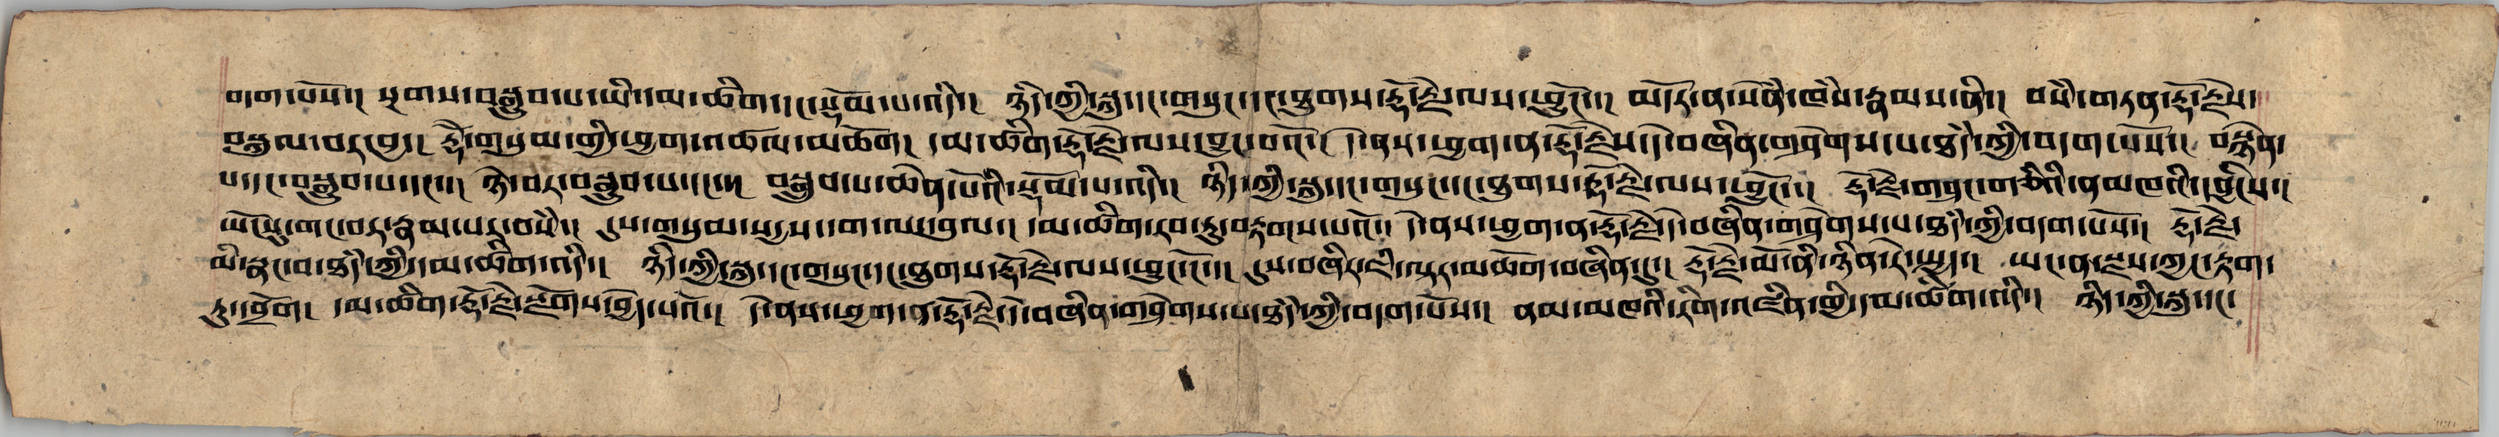བདག་པོས་། སྔགས་བསྒྲུབ་པ་ལ་ཡི་དམ་ཚིག་དང་སྡོམ་པ་འདི་། ཉིད་ཀྱི་སྐུ་དང་གསུང་དང་ཐུགས་རྡོ་རྗེ་ལས་ཕྱུངོ་་། མདོར་ན་སེཾན་ཁཾས་རྣམས་ནི་། བསཾ་གཏན་རྡོ་རྗེས་
བསྐུལ་བར་བྱ་། རྡོེ་གསུམ་གྱི་ཕྱག་འཚལ་མཆོག། དམ་ཚིག་རྡོ་རྗེ་ལས་བྱུང་བའོ་། དེ་ནས་ཕྱག་ན་རྡོ་རྗེས་དེ་བཞིན་གཤེགས་པ་ཐཾད་ཀྱི་བདག་པོས་། བསྙེན་
པ་དང་བསྒྲུབ་པ་དང་་། ཉེ་བར་བསྒྲུབ་པ་དང་་། བསྒྲུབ་པ་ཆེན་པོའི་སྡོམ་པ་འདི་། ཉིད་ཀྱི་སྐུ་དང་གསུང་དང་ཐུགས་རྡོ་རྗེ་ལས་ཕྱུངོ་་། རྡོ་རྗེ་གཤང་གཅིའི་ནམཁའི་དབྱིངས་།
ཡོངསུ་གང་བར་རྣམ་པར་བསཾ་། དུས་གསུམ་སདྱས་དག་ལ་དབུལ་། དམ་ཚིག་རབ་ཏུ་བརྟགས་པའོ་། དེ་ནས་ཕྱག་ན་རྡོ་རྗེ་དེ་བཞིན་གཤེགས་པ་ཐདཾ་ཀྱི་བདག་པོས་། རྡོ་རྗེ་
མི་སྣང་བ་ཐདཾ་ཀྱི་དམ་ཚིག་འདི་། ཉིད་ཀྱི་སྐུ་དང་གསུང་དང་ཐུགས་རྡོ་རྗེ་ལས་ཕྱུང་ངོ་་། དུས་བཞིར་ཇི་ལྟར་མཆོག་བཞིན་དུ་། རྡོ་རྗེ་མོ་ནི་ཉིན་རེ་སྤྱད་། ཡང་ན་སྫས་ཀྱང་རྟག་
ཏུ་བྲོག། དམ་ཚིག་རྡོ་རྗེ་སྫོགས་བྱེད་པའོ་། དེ་ནས་ཕྱག་ན་རྡོ་རྗེ་དེ་བཞིན་གཤེགས་པ་ཐདཾ་ཀྱི་བདག་པོས་། ནམ་མཁའི་རིག་འཛིན་གྱི་དམ་ཚིག་འདི་། ཉིད་ཀྱི་སྐུ་དང་